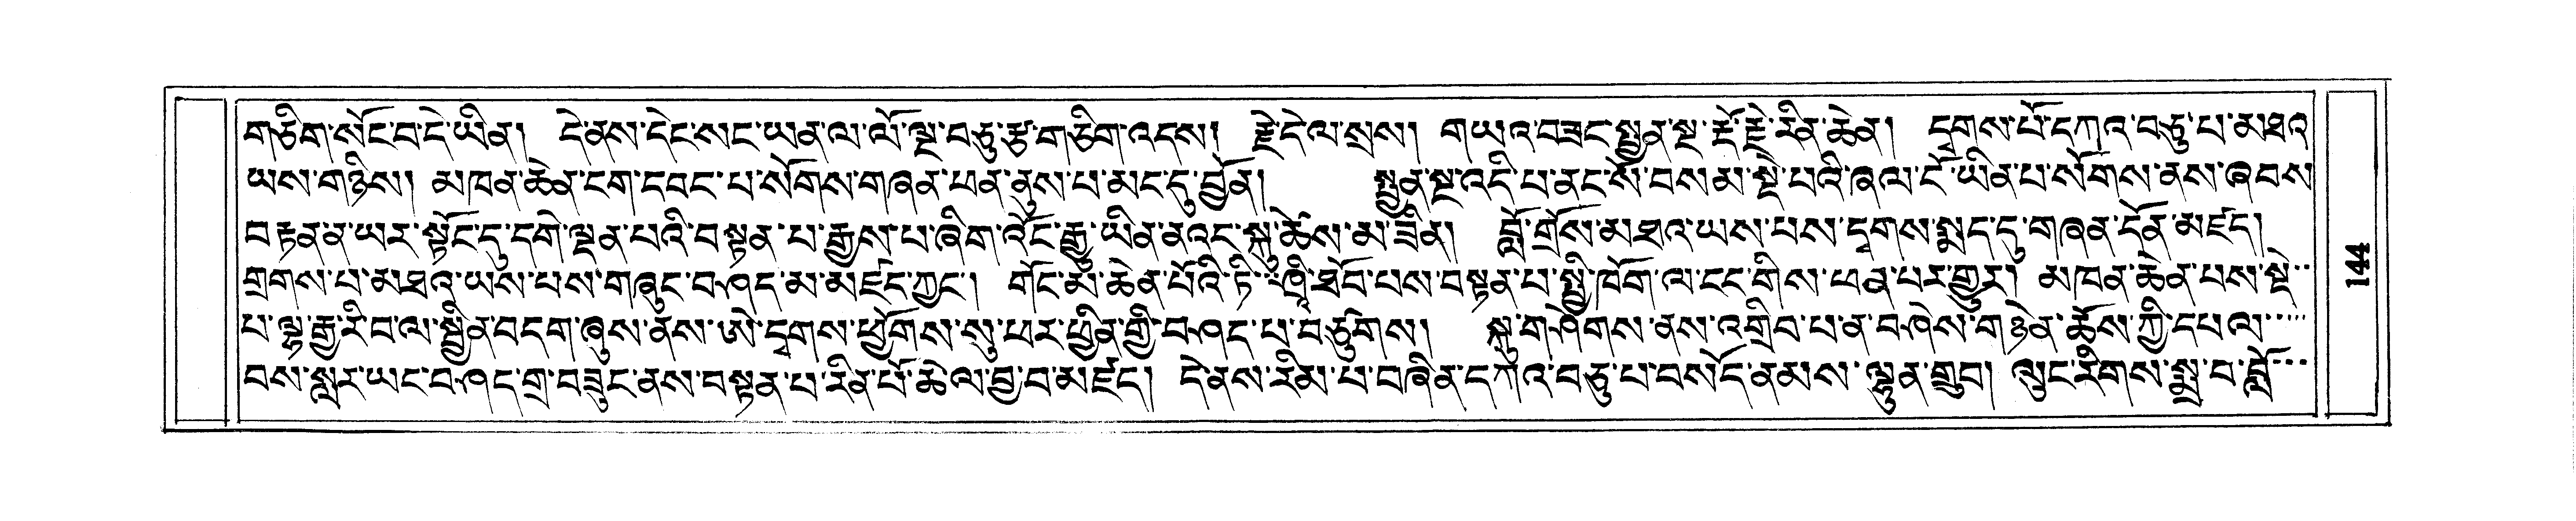གཅིག་སོང་བ་དེ་ཡིན། དེ་ནས་དེང་སང་ཡན་ལ་ལོ་ལྔ་བཅུ་རྩ་གཅིག་འདས། རྗེ་དེ་ལ་སྲས། གཡའ་བཟང་སྤྱན་སྔ་རྡོ་རྗེ་རིན་ཆེན། དྭགས་པོ་དཀའ་བཅུ་པ་མཐའ་
ཡས་གཉིས། མཁན་ཆེན་ངག་དབང་པ་སོགས་གཞན་ཕན་ནུས་པ་མང་དུ་བྱོན། སྤྱན་སྔ་འདི་པ་ནང་སོ་བསམ་སྡེ་པའི་ཞལ་ངོ་ཡིན་པ་སོགས་ནས་ཞབས་
བརྟན་ན་ཡར་སྟོང་དུ་དགེ་ལྡན་པའི་བསྟན་པ་རྒྱས་པ་ཞིག་འོང་རྒྱུ་ཡིན་ནའང་སྐུ་ཚེས་མ་ཟིན། བློ་གྲོས་མཐའ་ཡས་པས་དྭགས་སྨད་དུ་གཞན་དོན་མཛད།
གྲགས་པ་མཐའ་ཡས་པས་གཞུང་བཤད་མ་མཛད་ཀྱང་། གོང་མ་ཆེན་པོའི་ཏི་ཤྲཱི་ཐོབ་པས་བསྟན་པ་སྤྱི་ཁོག་ལ་ངང་གིས་ཕན་པར་གྱུར། མཁན་ཆེན་པས་སྡེ་
པ་ལྷ་རྒྱ་རི་བ་ལ་སྤྱིན་བདག་ཞུས་ནས་ཨེ་དྭགས་ཕྱོགས་སུ་ཕར་ཕྱིན་གྱི་བཤད་པ་བཙུགས། སྐུ་གཤེགས་ནས་འགྲིབ་པ་ན་བཤེས་གཉེན་ཆོས་ཀྱི་དཔལ་
བས་སླར་ཡང་བཤད་གྲ་བཟུང་ནས་བསྟན་པ་རིན་པོ་ཆེ་ལ་བྱ་བ་མཛད། དེ་ནས་རིམ་པ་བཞིན་དཀའ་བཅུ་པ་བསོད་ནམས་ལྷུན་གྲུབ། ལུང་རིགས་སྨྲ་བ་བློ་